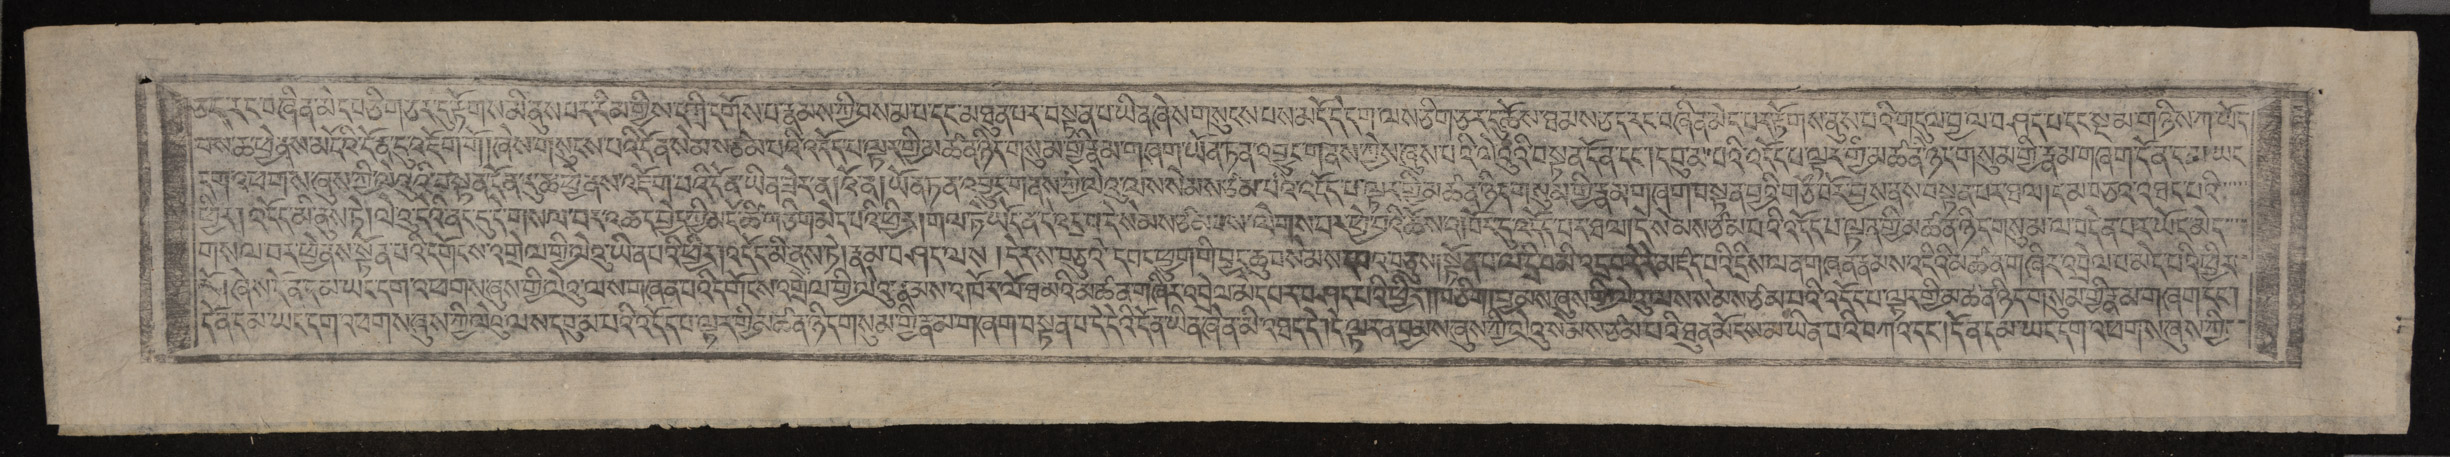ཅད་རང་བཞིན་མེད་པ་ཅིག་ཅར་དུ་རྟོགས་མི་ནུས་པར་རིམ་གྱིས་བཀྲི་དགོས་པ་རྣམས་ཀྱི་བསམ་པ་དང་མཐུན་པར་བསྟན་པ་ཡིན་ཞེས་གསུངས་པས་མདོ་དེ་དག་ལས་ཅིག་ཅར་དུ་ཆོས་ཐམས་ཅད་རང་བཞིན་མེད་པར་རྟོགས་ནུས་པའི་གདུལ་བྱ་ལ་བཤད་པ་དང་སྔ་མ་གཉིས་ཀ་ཡོད་
པས་ཆ་ཕྱེ་ནས་མདོའི་དོན་དུ་འཇོག་གོ །ཞེས་གསུངས་པའི་དོན་སེམས་ཙམ་པའི་འདོད་པ་ལྟར་གྱི་མཚན་ཉིད་གསུམ་གྱི་རྣམ་གཞག་ཡོན་ཏན་འབྱུང་གནས་ཀྱིས་ཞུས་པའི་ལེའུའི་བསྟན་དོན་དང་། དབུ་མ་པའི་འདོད་པ་ལྟར་གྱི་མཚན་ཉིད་གསུམ་གྱི་རྣམ་གཞག་དོན་དམ་ཡང་
དག་འཕགས་ཞུས་ཀྱི་ལེའུའི་བསྟན་དོན་དུ་ཆ་ཕྱེ་ནས་འཇོག་པའི་དོན་ཡིན་ཟེར་ན། འོ་ན། ཡོན་ཏན་འབྱུང་གནས་ཀྱི་ལེའུ་ལས་སེམས་ཙམ་པའི་འདོད་པ་ལྟར་གྱི་མཚན་ཉིད་གསུམ་གྱི་རྣམ་གཞག་བསྟན་བྱའི་གཙོ་བོར་བྱས་ནས་བསྟན་པར་ཐལ། དམ་བཅའ་འཐད་པའི་
ཕྱིར། འདོད་མི་ནུས་ཏེ། ལེའུ་དེའི་ནང་དུ་དེ་གསལ་བར་འཆད་བྱེད་ཀྱི་མདོ་ཚིག་ཅིག་མེད་པའི་ཕྱིར། གལ་ཏེ་ཡོད་ན་དེ་འདྲ་བ་དེ་སེམས་ཙམ་པས་ལེགས་པར་ཕྱེ་བའི་ཆོས་འཁོར་དུ་འདོད་པར་ཐལ། དེ་སེམས་ཙམ་པའི་འདོད་པ་ལྟར་གྱི་མཚན་ཉིད་གསུམ་ལ་བདེན་པར་ཡོད་མེད་
གསལ་བར་ཕྱེ་ནས་སྟོན་པའི་དགོངས་འགྲེལ་གྱི་ལེའུ་ཡིན་པའི་ཕྱིར། འདོད་མི་ནུས་ཏེ། རྣམ་བཤད་ལས། དེར་ས་བཅུའི་དབང་ཕྱུག་གི་བྱང་ཆུབ་སེམས་དཔའ་བཅུས། སྟོན་པ་ལ་དྲི་བ་མི་འདྲ་བ་རེ་རེ་མཛད་པའི་དྲིས་ལན་གཞན་རྣམས་འདིའི་མཚན་གཞིར་འབྲེལ་བ་མེད་པའི་ཕྱིར་
རོ། །ཞེས་དོན་དམ་ཡང་དག་འཕགས་ཞུས་ཀྱི་ལེའུ་ལས་གཞན་པའི་དགོངས་འགྲེལ་གྱི་ལེའུ་རྣམས་འཁོར་ལོ་ཐ་མའི་མཚན་གཞིར་འབྲེལ་མེད་པར་བཤད་པའི་ཕྱིར། ཁ་ཅིག། བྱམས་ཞུས་ཀྱི་ལེའུ་ལས་སེམས་ཙམ་པའི་འདོད་པ་ལྟར་གྱི་མཚན་ཉིད་གསུམ་གྱི་རྣམ་གཞག་དང་།
དོན་དམ་ཡང་དག་འཕགས་ཞུས་ཀྱི་ལེའུ་ལས་དབུ་མ་པའི་འདོད་པ་ལྟར་གྱི་མཚན་ཉིད་གསུམ་གྱི་རྣམ་གཞག་བསྟན་པ་དེ་དེའི་དོན་ཡིན་ཞེ་ན་མི་འཐད་དེ། དེ་ལྟར་ན་བྱམས་ཞུས་ཀྱི་ལེའུ་སེམས་ཙམ་པའི་ཐུན་མོངས་མ་ཡིན་པའི་བཀའ་དང་། དོན་དམ་ཡང་དག་འཕགས་ཞུས་ཀྱི་